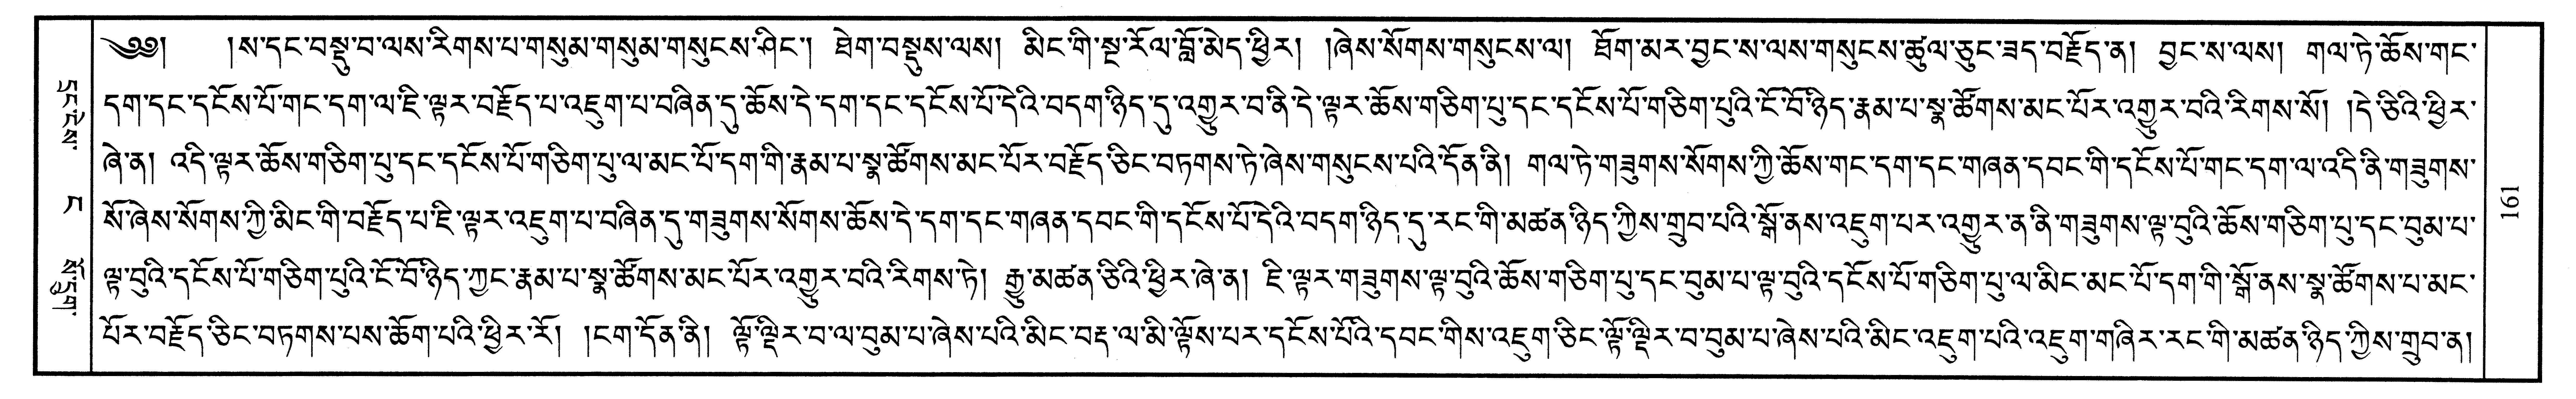༄༅། །ས་དང་བསྡུ་བ་ལས་རིགས་པ་གསུམ་གསུམ་གསུངས་ཤིང་། ཐེག་བསྡུས་ལས། མིང་གི་སྔ་རོལ་བློ་མེད་ཕྱིར། །ཞེས་སོགས་གསུངས་ལ། ཐོག་མར་བྱང་ས་ལས་གསུངས་ཚུལ་ཅུང་ཟད་བརྗོད་ན། བྱང་ས་ལས། གལ་ཏེ་ཆོས་གང་
དག་དང་དངོས་པོ་གང་དག་ལ་ཇི་ལྟར་བརྗོད་པ་འཇུག་པ་བཞིན་དུ་ཆོས་དེ་དག་དང་དངོས་པོ་དེའི་བདག་ཉིད་དུ་འགྱུར་བ་ནི་དེ་ལྟར་ཆོས་གཅིག་པུ་དང་དངོས་པོ་གཅིག་པུའི་ངོ་བོ་ཉིད་རྣམ་པ་སྣ་ཚོགས་མང་པོར་འགྱུར་བའི་རིགས་སོ། །དེ་ཅིའི་ཕྱིར་
ཞེ་ན། འདི་ལྟར་ཆོས་གཅིག་པུ་དང་དངོས་པོ་གཅིག་པུ་ལ་མང་པོ་དག་གི་རྣམ་པ་སྣ་ཚོགས་མང་པོར་བརྗོད་ཅིང་བཏགས་ཏེ་ཞེས་གསུངས་པའི་དོན་ནི། གལ་ཏེ་གཟུགས་སོགས་ཀྱི་ཆོས་གང་དག་དང་གཞན་དབང་གི་དངོས་པོ་གང་དག་ལ་འདི་ནི་གཟུགས་
སོ་ཞེས་སོགས་ཀྱི་མིང་གི་བརྗོད་པ་ཇི་ལྟར་འཇུག་པ་བཞིན་དུ་གཟུགས་སོགས་ཆོས་དེ་དག་དང་གཞན་དབང་གི་དངོས་པོ་དེའི་བདག་ཉིད་དུ་རང་གི་མཚན་ཉིད་ཀྱིས་གྲུབ་པའི་སྒོ་ནས་འཇུག་པར་འགྱུར་ན་ནི་གཟུགས་ལྟ་བུའི་ཆོས་གཅིག་པུ་དང་བུམ་པ་
ལྟ་བུའི་དངོས་པོ་གཅིག་པུའི་ངོ་བོ་ཉིད་ཀྱང་རྣམ་པ་སྣ་ཚོགས་མང་པོར་འགྱུར་བའི་རིགས་ཏེ། རྒྱུ་མཚན་ཅིའི་ཕྱིར་ཞེ་ན། ཇི་ལྟར་གཟུགས་ལྟ་བུའི་ཆོས་གཅིག་པུ་དང་བུམ་པ་ལྟ་བུའི་དངོས་པོ་གཅིག་པུ་ལ་མིང་མང་པོ་དག་གི་སྒོ་ནས་སྣ་ཚོགས་པ་མང་
པོར་བརྗོད་ཅིང་བཏགས་པས་ཆོག་པའི་ཕྱིར་རོ། །ངག་དོན་ནི། ལྟོ་ལྡིར་བ་ལ་བུམ་པ་ཞེས་པའི་མིང་བརྡ་ལ་མི་ལྟོས་པར་དངོས་པོའི་དབང་གིས་འཇུག་ཅིང་ལྟོ་ལྡིར་བ་བུམ་པ་ཞེས་པའི་མིང་འཇུག་པའི་འཇུག་གཞིར་རང་གི་མཚན་ཉིད་ཀྱིས་གྲུབ་ན།